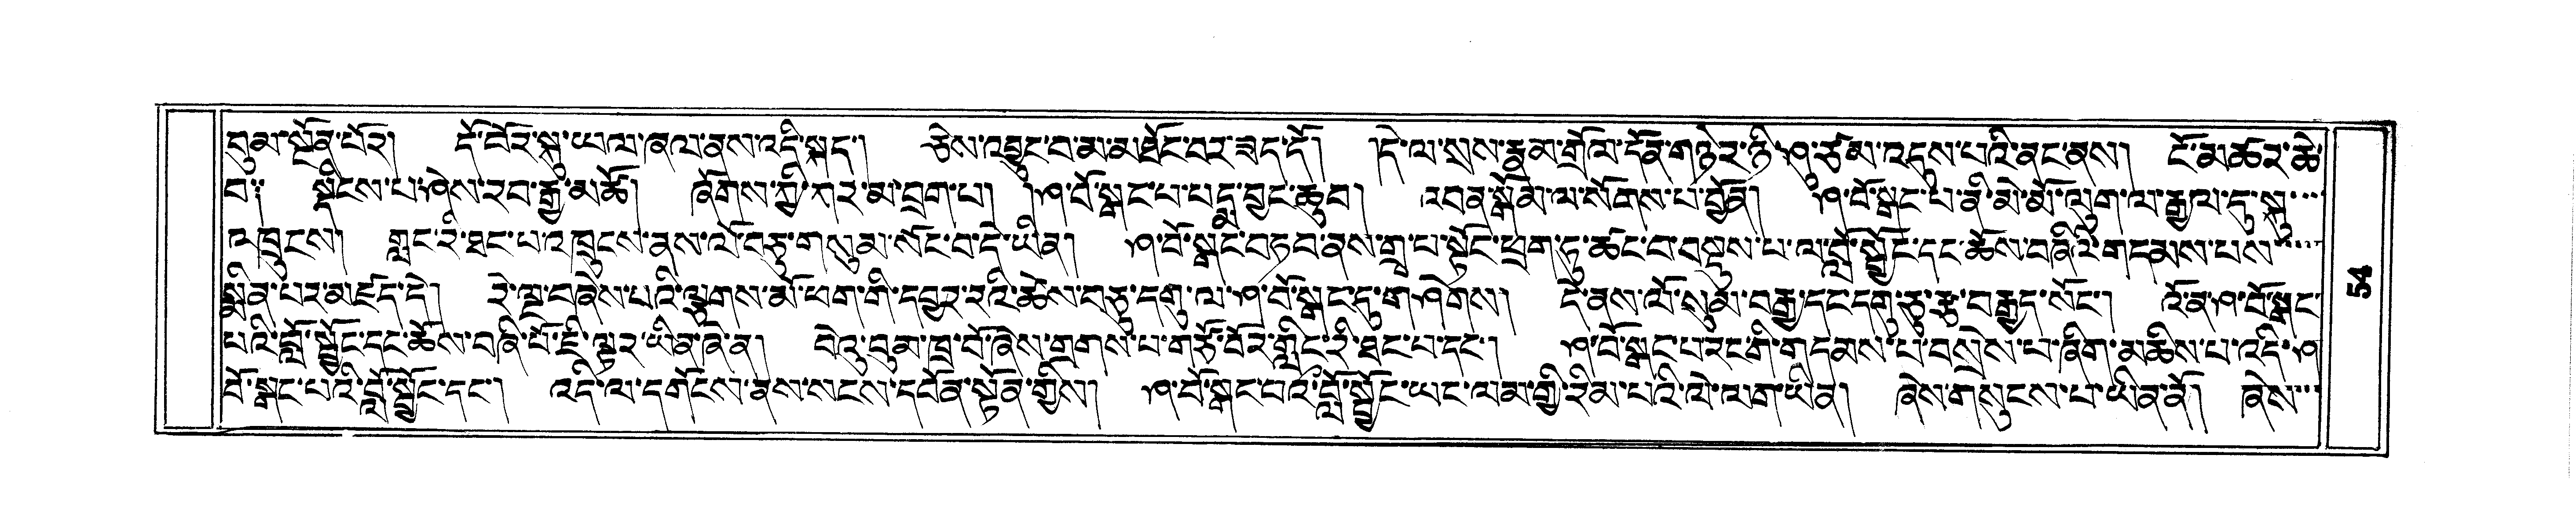བུམ་སྔོན་པོར། དོ་བོར་སྐུ་ཡལ་ཞལ་ནས་འདི་སྐད། ཅེས་འབྱུང་བ་མ་མཐོང་བར་ཟད་དོ། །དེ་ལ་སྲས་རྣམ་གྲོལ་དོན་གཉེར་ཉི་ཤུ་ཙམ་འདུས་པའི་ནང་ནས། ངོ་མཚར་ཆེ་
བ༑ སྡིངས་པ་ཤེས་རབ་རྒྱ་མཚོ། ཞོགས་ཀྱི་ཀར་མ་བྲག་པ། །ཤ་བོ་སྒང་པ་པདམ་བྱང་ཆུབ། འབན་སྒོམ་ལ་སོགས་པ་བྱོན། ཤ་བོ་སྒང་པ་ནི་མེ་མོ་ལུག་ལ་རྒྱལ་དུ་སྐུ་
འཁྲུངས། གླང་རི་ཐང་པ་འཁྲུངས་ནས་ལོ་བཅུ་གསུམ་སོང་བ་དེ་ཡིན། ཤ་བོ་སྒང་བཏབ་ནས་གྲྭ་པ་སྟོང་ཕྲག་ཏུ་ཚང་བ་བསྡུས་པ་ལ་བློ་སྦྱོང་དང་ཆོས་བཞིའི་གདམས་པས་
སྨིན་པར་མཛད་དེ། རེ་ལྔ་བཞེས་པའི་ལྕགས་མོ་ཕག་གི་དབྱར་རའི་ཚེས་བཅུ་དགུ་ལ་ཤ་བོ་སྒང་དུ་གཤེགས། དེ་ནས་ལོ་སུམ་བརྒྱ་དང་དགུ་ཅུ་རྩ་བརྒྱད་སོང་། འོ་ན་ཤ་བོ་སྒང་
པའི་བློ་སྦྱོང་དང་ཆོས་བཞི་པོ་ཇི་ལྟར་ཡིན་ཞེ་ན། བེའུ་བུམ་ཁྲ་བོ་ཞེས་གྲགས་པ་གཙོ་བོར་གླིང་རི་ཐང་པ་དང་། ཤ་བོ་སྒང་པ་རང་གི་གདམས་པ་བསྲེས་པ་ཞིག་མཆིས་པ་འདི་ཤ་
བོ་སྒང་པའི་བློ་སྦྱོང་དང་། འདི་ལ་དགོངས་ནས་སངས་དབོན་སྟོན་གྱིས། ཤ་བོ་སྒང་བའི་བློ་སྦྱོང་ཡང་ལམ་གྱི་རིམ་པའི་ལེ་ལག་ཡིན། ཞེས་གསུངས་པ་ཡིན་ནོ། ཞེས་